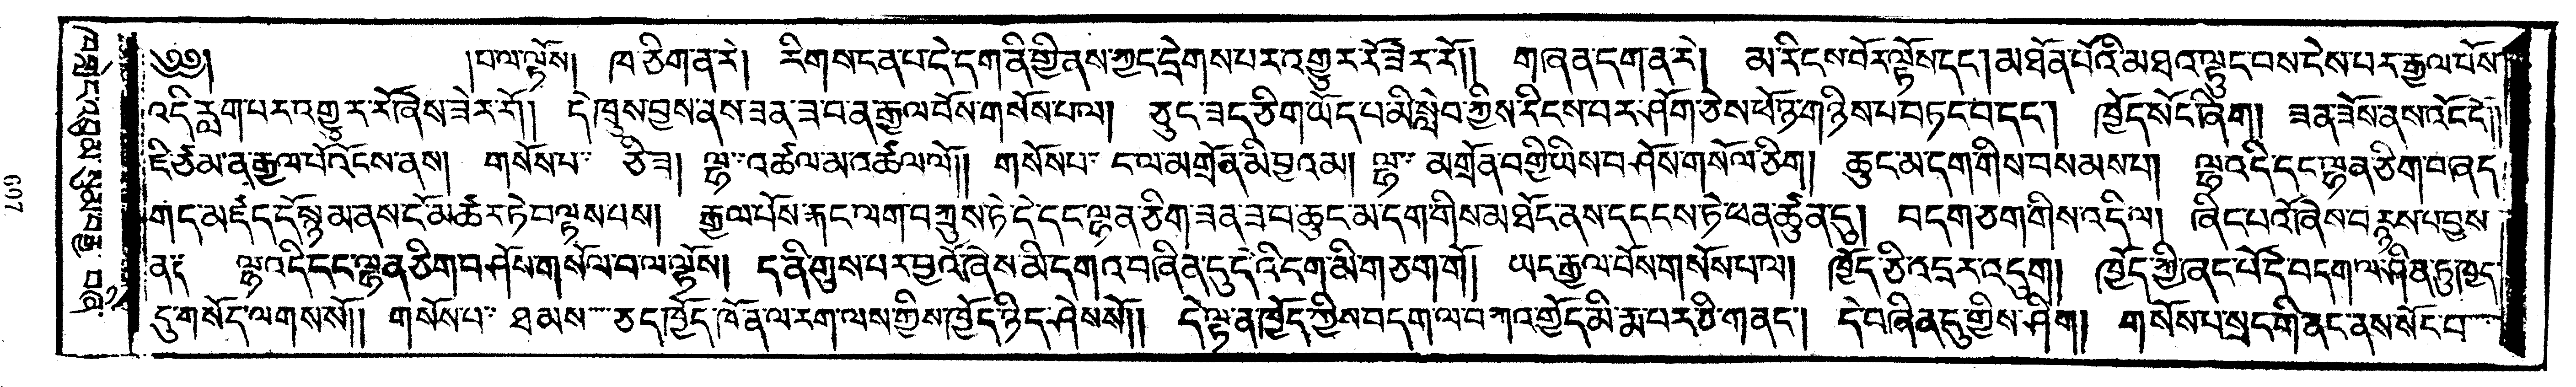༄༅། །པ་ལ་ལྟོས། ཁ་ཅིག་ན་རེ། རིགས་ངན་པ་དེ་དག་ནི་གྱི་ནས་ཀྱང་དྲེགས་པར་འགྱུར་རོ་ཟེར་རོ།། གཞན་དག་ན་རེ། མ་རིངས་བོར་ལྟོས་དང་། མཐོན་པོའི་མཐའ་ལྟུང་བས་ངེས་པར་རྒྱལ་པོས་
འདི་རླག་པར་འགྱུར་རོ་ཞེས་ཟེར་རོ།། དེ་ཁྲུས་བྱས་ནས་ཟན་ཟ་བ་ན་རྒྱལ་པོས་གསོས་པ་ལ། ཅུང་ཟད་ཅིག་ཡོད་པ་མི་སླེབ་ཀྱིས་རིངས་པར་ཤོག་ཅེས་ཕོ་ཉ་གཉིས་པ་བཏང་བ་དང་། ཁྱོད་སོང་ཞིག། ཟན་ཟོས་ནས་འོང་ངོ།།
ཇི་ཙམ་ན་རྒྱལ་པོ་འོངས་ནས། གསོས་པ་ཅི་ཟ། ལྷ་འཚལ་མ་འཚལ་ལོ།། གསོས་པ་ང་ལ་མགྲོན་མི་བྱའམ། ལྷ༑ མགྲོན་བགྱི་ཡིས་བཤོས་གསོལ་ཅིག། ཆུང་མ་ངག་གིས་བསམས་པ། ལྷ་འདི་དང་ལྷན་ཅིག་བཞད་
གད་མཛད་དོ་སྙམ་ནས་ངོ་མཚར་ཏེ་བལྟས་པས། རྒྱལ་པོས་རྐང་ལག་བཀྲུས་ཏེ་དེ་དང་ལྷན་ཅིག་ཟན་ཟབ་ཆུང་མ་དག་གིས་མཐོང་ན་དངངས་ཏེ་ཕན་ཚུན་དུ། བདག་ཅག་གིས་འདི་ལ། ཞིང་པའོ་ཞེས་བརྙས་པ་བྱས་
ན༑ ལྷ་འདི་དང་ལྷན་ཅིག་བཤོས་གསོལ་བ་ལ་ལྟོས། ད་ནི་གུས་པར་བྱའོ་ཞེས་མི་དགའ་བཞིན་དུ་དེའི་ངག་མི་གཅག་གོ། ཡང་རྒྱལ་པོས་གསོས་པ་ལ། ཁྱོད་ཅི་འདྲར་འདུག། ཁྱོད་ཀྱི་ཞང་པོ་དེ་བདག་ལ་ཤིན་ཏུ་ཁྱད་
དུ་གསོད་ལགས་སོ།། གསོས་པ་ཐམས་ཅད་ཁྱོད་ཁོ་ན་ལ་རག་ལས་གྱིས་ཁྱོད་ཉིད་ཤེས་སོ།། དེ་ལྟ་ན་ཁྱོད་ཀྱིས་བདག་ལ་བཀའ་གྱོད་མི་རྨ་པར་ཅི་གནང་། དེ་བཞིན་དུ་གྱིས་ཤིག། གསོས་པ་སྲང་གི་ནང་ནས་སོང་པ་